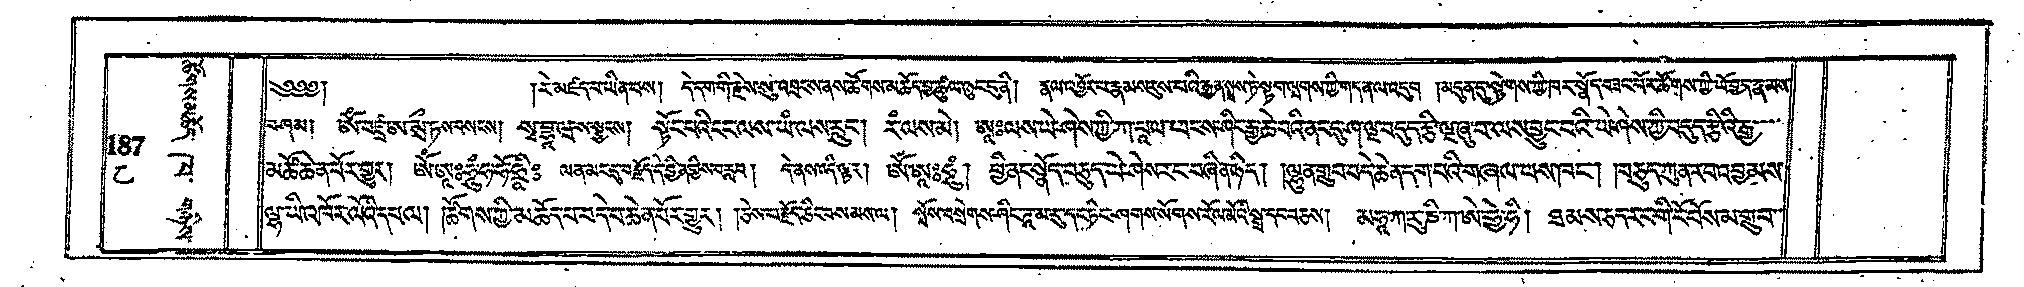༄༅༅། །རེ་མཛད་པ་ཡིན་པས། དེ་དག་གི་རྗེས་སུ་འབྲངས་ནས་ཚོགས་མཆོད་བྱ་ཚུལ་ཉུང་དུ་ནི། རྣལ་འབྱོར་པ་རྣམས་རུས་པའི་རྒྱན་སྤྲས་ཏེ་སྟག་ལྤགས་ཀྱི་གདན་ལ་འདུག །མདུན་དུ་སྟེགས་ཀྱི་ཁར་སྣོད་བཟང་པོར་ཚོགས་ཀྱི་ཡོ་བྱད་རྣམས་
བཤམ། ཨོཾ་བཛྲ་ཨ་མྲྀ་ཏས་བསངས། སྭ་བྷཱ་ཝས་སྦྱངས།  སྟོང་པའི་ངང་ལས་ཡཾ་ལས་རླུང་། རཾ་ལས་མེ། ཨཱཿལས་ཡེ་ཤེས་ཀྱི་ཀ་པཱ་ལ་ཡངས་ཤིང་རྒྱ་ཆེ་བའི་ནང་དུ་ཤ་ལྔ་བདུད་རྩི་ལྔ་ཞུ་བ་ལས་བྱུང་བའི་ཡེ་ཤེས་ཀྱི་བདུད་རྩིའི་རྒྱ་་་
མཚོ་ཆེན་པོར་གྱུར། ཨོཾ་ཨཱཿཧཱུཾ་ཧ་ཧོ་ཧྲཱིཿ ལན་མང་དུ་བརྗོད་དེ་བྱིན་གྱིས་བརླབ། དེ་ནས་འདི་ལྟར།  ཨོཾ་ཨཱཿཧཱུཾ། ཕྱི་ནང་སྣོད་བཅུད་ཡེ་ཤེས་རང་བཞིན་ཉིད། །ལྷུན་གྲུབ་བདེ་ཆེན་དག་པའི་གཞལ་ཡས་ཁང་། །བཅུད་ཀུན་རབ་འབྱམས་
ལྷ་ཡི་འཁོར་ལོའི་དཔལ། །ཚོགས་ཀྱི་མཆོད་པ་བདེ་བ་ཆེན་པོར་གྱུར། །ཅེས་བརྗོད་ཅིང་བསམས་ལ། སྤོས་བསྲེགས་ཤིང་ཌཱ་མ་རུ་དང་ཏིང་ཤགས་སོགས་རོལ་མོའི་སྒྲ་དང་བཅས།  མཧཱ་ཀ་རུ་ཎི་ཀ་ཨེ་ཧྱེ་ཧི། ཐམས་ཅད་རང་གི་ངོ་བོས་མ་གྲུབ་་་